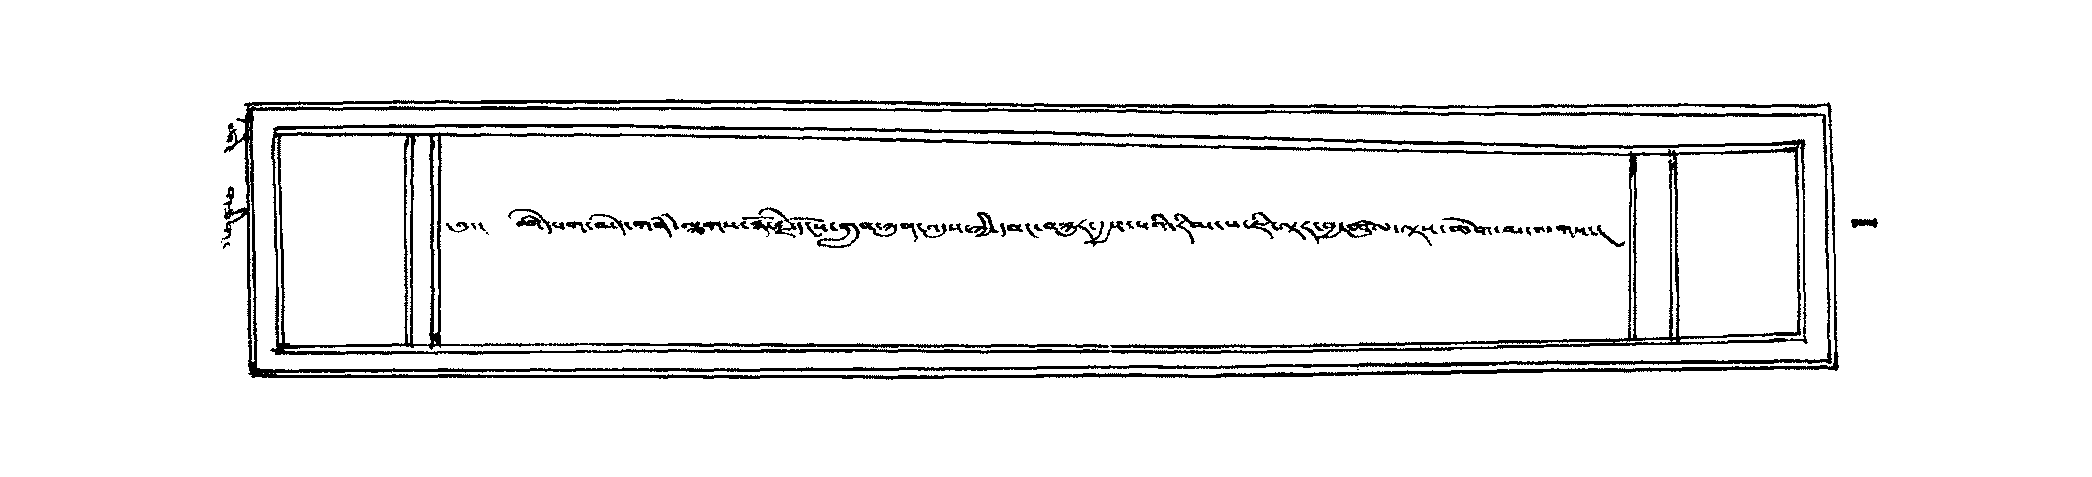༄། ཚེ་དཔག་མེད་གནས་ལྕགས་རྡོ་རྗེ་དངོས་གྲུབ་ཀུན་འདུས་ཀྱི་དབང་བསྐུར་རྒྱས་པའི་རིམ་པ་ཇི་ལྟར་བྱ་ཚུལ་ལྟས་ཆོག་མ་ལགས།